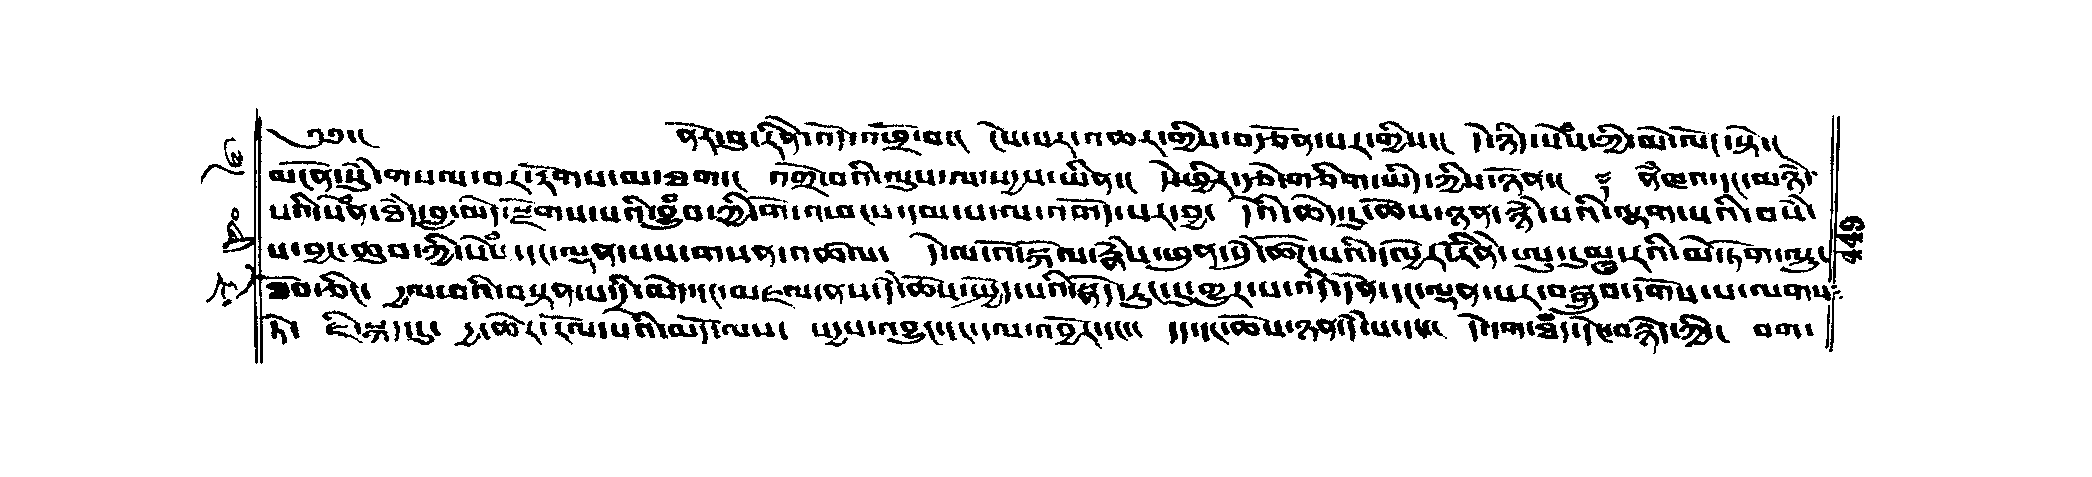ནོར་བུ་རིན་ཆེན་འོད་འཕྲོ་བ། །ངེས་པར་འཆར་གྱིས་བརྩོན་པར་གྱིས། །དེ་ཉིད་སེམས་ཀྱི་མེ་ལོང་སྟེ། །
མངོན་སུམ་གསལ་བར་རྟོགས་མ་ཐག་འགྲོ་བའི་ལུས་ལ་སངས་རྒྱས་ཡིན། །དེ་ཕྱིར་རྩེ་གཅིག་ཡིད་ཀྱིས་ཉོན། ། ༈ ནམ་མཁའ་དང་མཉམ་
པའི་སེམས་ཅན་ཐམས་ཅད་བླ་མེད་རྫོགས་པའི་བྱང་ཆུབ་ཀྱི་གོ་འཕང་དམ་པ་ལ་འགོད་པར་བྱ། དེའི་ཆེད་དུ་ཆོས་ཉན་སྙམ་པའི་ལྷག་པའི་བསམ་
པ་བྱང་ཆུབ་ཀྱི་སེམས་ལྡན་པས་གསན་འཚལ། དེ་ལ་འོ་སྐོལ་རྣམས་ཕུན་སུམ་ཚོགས་པའི་་དལ་འབྱོར་རིན་ཆེན་ཨུ་དུམ་ཝ་རའི་མེ་ཏོག་ལྟ་བུ་
ཐོབ་ཅིང་། རྒྱལ་བའི་བསྟན་པ་དྲི་མེད་དང་མཇལ་ནས་དམ་ཆོས་སྤྱོད་པའི་སྣོད་རུང་དུ་གྱུར་པ་འདི་དོན་དང་ལྡན་པར་བསྒྲུབ་དགོས་པ་ལགས་
ཏེ། ཇི་སྐད་དུ། རྒྱ་ཆེར་རོལ་བའི་མདོ་ལས། སངས་རྒྱས་འབྱུང་དང་དལ་འབྱོར་དང་། །དད་དང་ཆོས་ཉན་དམ་པ་དང་། །དེ་དག་ཐམས་ཅད་དེ་སྙེད་ཀྱི། །བག་